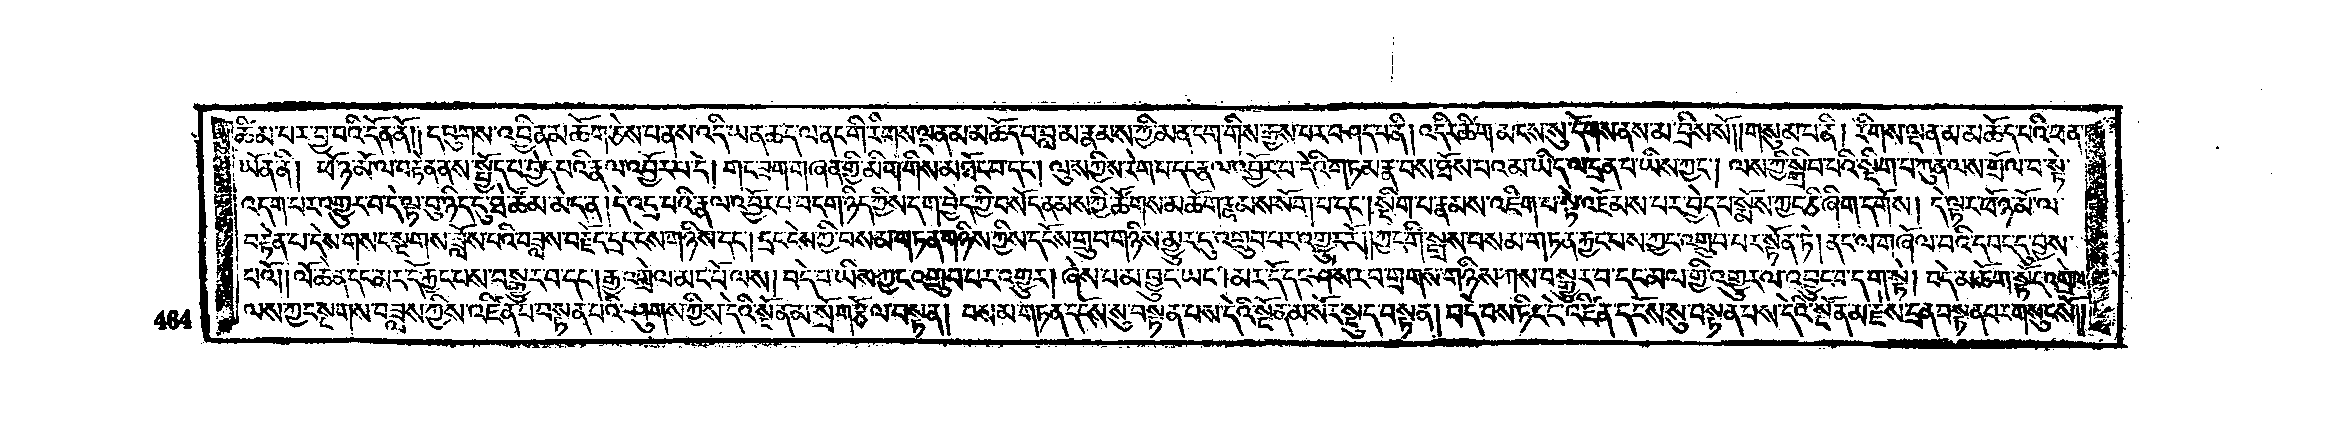ཚིམ་པར་བྱ་བའི་དོན་ནོ། །དབུགས་འབྱིན་མཆོག་ཅེས་པ་ནས་འདི་ཡན་ཆད་ལ་ནང་གི་རིགས་ལྡན་མ་མཆོད་པ་བླ་མ་རྣམས་ཀྱི་མན་ངག་གིས་རྒྱས་པར་བཤད་པ་ནི། འདིར་ཚིག་མངས་སུ་དོགས་ནས་མ་བྲིས་སོ། །གསུམ་པ་ནི། རིགས་ལྡན་མ་མཆོད་པའི་ཕན་
ཡོན་ནི། ཕོ་ཉ་མོ་ལ་བརྟེན་ནས་སྤྱོད་པ་བྱེད་པའི་རྣལ་འབྱོར་པ་དེ། གང་ཟག་གཞན་གྱི་མིག་གིས་མཐོང་བ་དང་། ལུས་ཀྱིས་རེག་པ་དང་རྣལ་འབྱོར་པ་དེའི་གཏམ་རྣ་བས་ཐོས་པའམ་ཡིད་ལ་དྲན་པ་ཡིས་ཀྱང་། ལས་ཀྱི་སྒྲིབ་པའི་སྡིག་པ་ཀུན་ལས་གྲོལ་བ་སྟེ་
འདག་པར་འགྱུར་བ་དེ་ལྟ་བུ་ཉིད་དུ་ཐེ་ཚོམ་མེད་ན། དེ་འདྲ་པའི་རྣལ་འབྱོར་པ་བདག་ཉིད་ཀྱིས་དག་བྱེད་ཀྱི་བསོད་ནམས་ཀྱི་ཚོགས་མཆོག་རྣམས་སོག་པ་དང་། སྡིག་པ་རྣམས་འཇིག་པ་སྟེ་འཇོམས་པར་བྱེད་པ་སྨོས་ཀྱང་ཅི་ཞིག་དགོས། དེ་ལྟར་ཕོ་ཉ་མོ་ལ་
བརྟེན་པ་དེས་གསང་སྔགས་ཟློས་པའི་བཟླས་བརྗོད་དྲང་ངེས་གཉིས་དང་། དྲང་ངེས་ཀྱི་བསམ་གཏན་གཉིས་ཀྱིས་དངོས་གྲུབ་གཉིས་མྱུར་དུ་འགྲུབ་པར་འགྱུར་རོ། །ཀྱང་གི་སྒྲས་བསམ་གཏན་རྐྱང་པས་ཀྱང་འགྲུབ་པར་སྟོན་ཏེ། ནང་ལ་གཞོལ་བའི་དབང་དུ་བྱས་
པའོ། །ལོ་ཆེན་དང་མར་དོ་རྐྱང་པས་བསྒྱུར་བ་དང་། རྒྱ་འགྲེལ་མང་པོ་ལས། བདེ་བ་ཡིས་ཀྱང་འགྲུབ་པར་འགྱུར། ཞེས་པ་མ་བྱུང་ཡང་། མར་དོ་དང་ཤེས་རབ་གྲགས་གཉིས་ཀས་བསྒྱུར་བ་དང་མལ་གྱི་འགྱུར་ལ་འབྱུང་བ་དག་སྟེ། བདེ་མཆོག་སྟོང་འགྲེལ་
ལས་ཀྱང་སྔགས་བཟླས་ཀྱིས་འཛིན་པ་བསྟན་པའི་ཤུགས་ཀྱིས་དེའི་སྔོན་མ་སྲོག་རྩོལ་བསྟན། བསམ་གཏན་དངོས་སུ་བསྟན་པས་དེའི་སྔོན་མ་སོར་སྡུད་བསྟན། བདེ་བས་ཏིང་ངེ་འཛིན་དངོས་སུ་བསྟན་པས་དེའི་སྔོན་མ་རྗེས་དྲན་བསྟན་པར་གསུངས་སོ། །